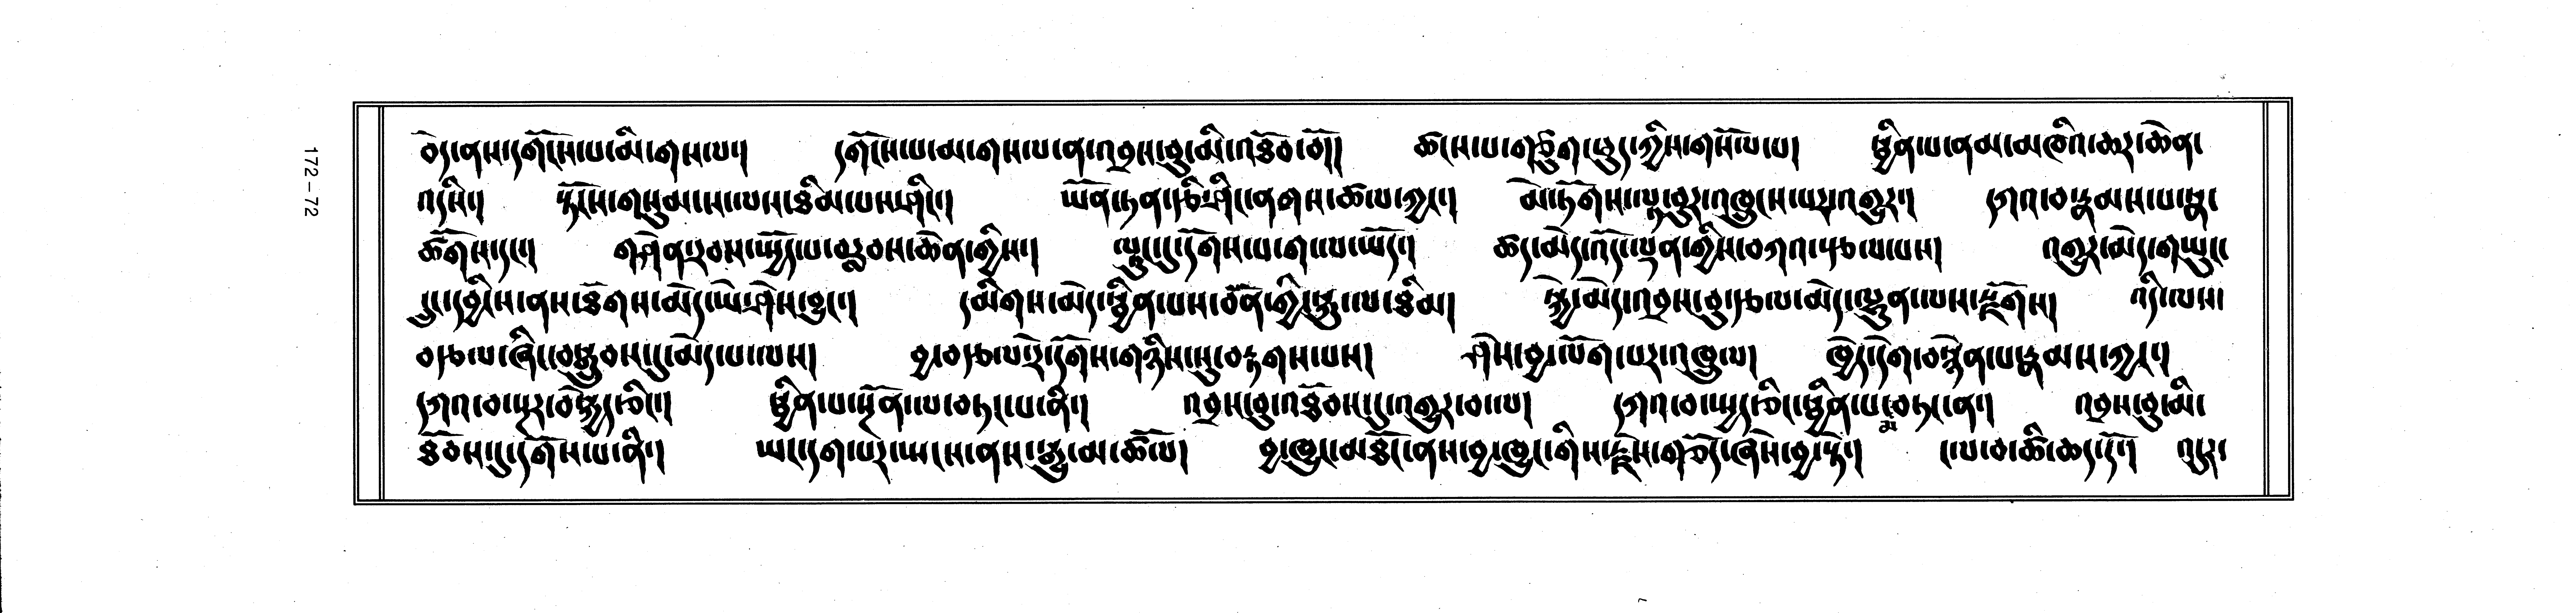བདེ་ནས་དགོངས་པ་མི་གསལ། དགོངས་པ་མ་གསལ་ན་འབྲས་བུ་མི་འཐོབ་བོ། ཚངས་པ་གཙུག་ཕུད་ཀྱིས་གསོལ་པ། སྦྱིན་པ་ནམ་མཁའི་ཆར་ཆེན་
འདིས། སྟོངས་གསུམ་ས་ལས་ཐིམ་པས་ཤིང་། ཡོན་ཏན་རྩི་ཤིང་ནགས་ཚལ་ཀྱང་། མེ་ཏོགས་ལྟ་བུར་འཁྲུངས་པར་འགྱུར། དཀའ་བ་རྣམས་པ་སྣ་
ཚོགས་དང་། གཤེན་རབ་སྤྱོད་པ་བརླབས་ཆེན་གྱིས། ལྟུང་དུ་དོགས་པ་ག་ལ་ཡོད། ཚད་མེད་འོད་ལྡན་གྱིས་བཀའ་སྩལ་པས། འགྱུར་མེད་གཡུང་
དྲུང་དབྱིངས་ནས་ཐོགས་མེད་ཡེ་ཤེས་བྱུང་། དམིགས་མེད་སྦྱིན་པས་བོན་གྱི་སྐུ་ལ་ཐིམ། སྐྱེ་མེད་འབྲས་བུ་རྩལ་མེད་ལྷུན་ལས་རྫོགས། འདི་ལས་
བརྩལ་ཞིང་བསྒྲུབས་དུ་མེད་པ་ལས། བྱ་བརྩལ་རེ་དོགས་གཉིས་སུ་བརྟགས་པས། ཤེས་བྱ་ལོག་པར་འཁྲུལ། ཁྱེད་དགེ་བསྙེན་པ་རྣམས་ཀྱང་། 
དཀའ་བ་སྔར་བསྐྱེད་ཅིང་། སྦྱིན་པ་སྔོན་ལ་བཏང་པ་ནི། འབྲས་བུ་འཐོབས་དུ་འགྱུར་བ་ལ། དཀའ་བ་སྤྱད་ཅིང་སྦྱིན་པ་མ་བཏང་ན། འབྲས་བུ་མི་
ཐོབས་དུ་དགོས་པ་ནི། ཡང་དག་པར་སྤངས་ནས་སྒྱུ་མ་ཚོལ། བྱ་ཁྱུང་མཐོང་ནས་བྱ་ཁྱུང་གིས་རྗེས་གཅོད་ཞེས་བྱ་སྟེ། ངལ་བ་ཚི་ཆད་དོ། འདུར་